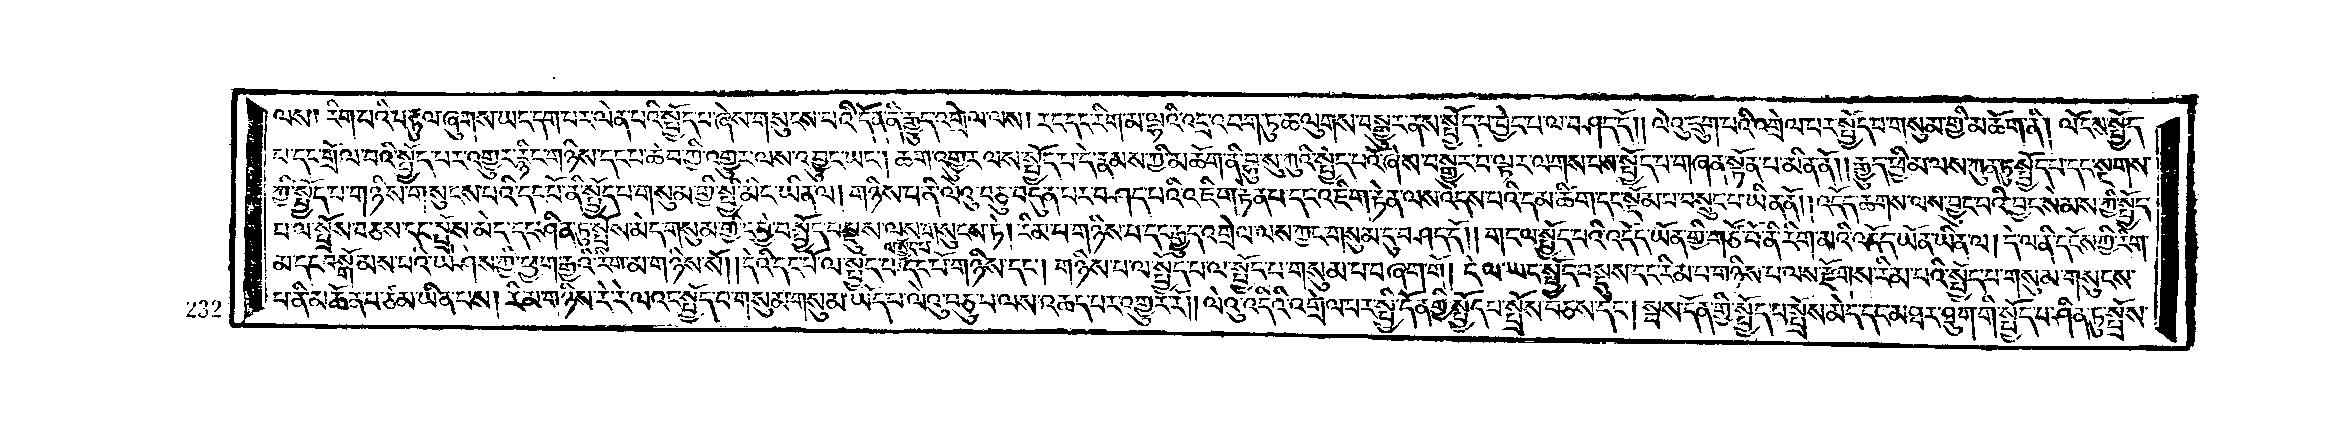ལས། རིག་པའི་བརྟུལ་ཞུགས་ཡང་དག་པར་ལེན་པའི་སྤྱོད་པ་ཞེས་གསུངས་པའི་དོན་ནི་རྒྱུད་འགྲེལ་ལས། རང་དང་རིག་མ་ལྷའི་འདྲ་འབག་ཏུ་ཆ་ལུགས་བསྒྱུར་ནས་སྤྱོད་པ་བྱེད་པ་ལ་བཤད་དོ། །ལེའུ་དྲུག་པའི་འགྲེལ་པར་སྤྱོད་པ་གསུམ་གྱི་མཆོག་ནི། ལོངས་སྤྱོད་
པ་དང་གྲོལ་བའི་སྤྱོད་པར་འགྱུར་རྙིང་གཉིས་དང་པ་ཚབ་ཀྱི་འགྱུར་ལས་འབྱུང་ཡང་། ཆག་འགྱུར་ལས་སྤྱོད་པ་དེ་རྣམས་ཀྱི་མཆོག་ནི་བྷུ་སུ་ཀུའི་སྤྱོད་པའོ་ཞེས་བསྒྱུར་བ་ལྟར་ལགས་པས་སྤྱོད་པ་གཞན་སྟོན་པ་མིན་ནོ། །རྒྱུད་ཕྱི་མ་ལས་ཀུན་ཏུ་སྤྱོད་པ་དང་སྔགས་
ཀྱི་སྤྱོད་པ་གཉིས་གསུངས་པའི་དང་པོ་ནི་སྤྱོད་པ་གསུམ་གྱི་སྤྱི་མིང་ཡིན་ལ། གཉིས་པ་ནི་ལེའུ་བཅུ་བདུན་པར་བཤད་པའི་འཇིག་རྟེན་པ་དང་འཇིག་རྟེན་ལས་འདས་པའི་དམ་ཚིག་དང་སྡོམ་པ་བསྲུང་པ་ཡིན་ནོ། །འདོད་ཆགས་ལས་བྱུང་བའི་བྱང་སེམས་ཀྱི་སྤྱོད་
པ་ལ་སྤྲོས་བཅས་དང་སྤྲོས་མེད་དང་ཤིན་ཏུ་སྤྲོས་མེད་གསུམ་གྱི་དབྱེ་བ་སྤྱོད་བསྡུས་ལས་གསུངས་ཏེ། རིམ་པ་གཉིས་པ་དང་རྒྱུད་འགྲེལ་ལས་ཀྱང་གསུམ་དུ་བཤད་དོ། །གང་ལ་སྤྱོད་པའི་འདོད་ཡོན་གྱི་གཙོ་བོ་ནི་རིག་མའི་འདོད་ཡོན་ཡིན་ལ། དེ་ལ་ནི་དངོས་ཀྱི་རིག་
མ་དང་བསྒོམས་པའི་ཡེ་ཤེས་ཀྱི་ཕྱག་རྒྱའི་རིག་མ་གཉིས་སོ། །དེའི་དང་པོ་ལ་སྤྱོད་པ་ལ་སྤྱོད་པ་དང་པོ་གཉིས་དང་། གཉིས་པ་ལ་སྤྱོད་པ་ལ་སྤྱོད་པ་གསུམ་པ་བཞག་གོ །དེ་ལ་ཡང་སྤྱོད་བསྔས་?་དང་རིམ་པ་གཉིས་པ་ལས་རྫོགས་རིམ་པའི་སྤྱོད་པ་གསུམ་གསུངས་
པ་ནི་མཚོན་པ་ཙམ་ཡིན་པས། རིམ་གཉིས་རེ་རེ་ལའང་སྤྱོད་པ་གསུམ་གསུམ་ཡོད་པ་ལེའུ་བཅུ་པ་ལས་འཆད་པར་འགྱུར་རོ། །ལེའུ་འདིའི་འགྲེལ་པར་སྤྱི་དོན་གྱི་སྤྱོད་པ་སྤྲོས་བཅས་དང་། སྦས་དོན་གྱི་སྤྱོད་པ་སྤྲོས་མེད་དང་མཐར་ཐུག་གི་སྤྱོད་པ་ཤིན་ཏུ་སྤྲོས་